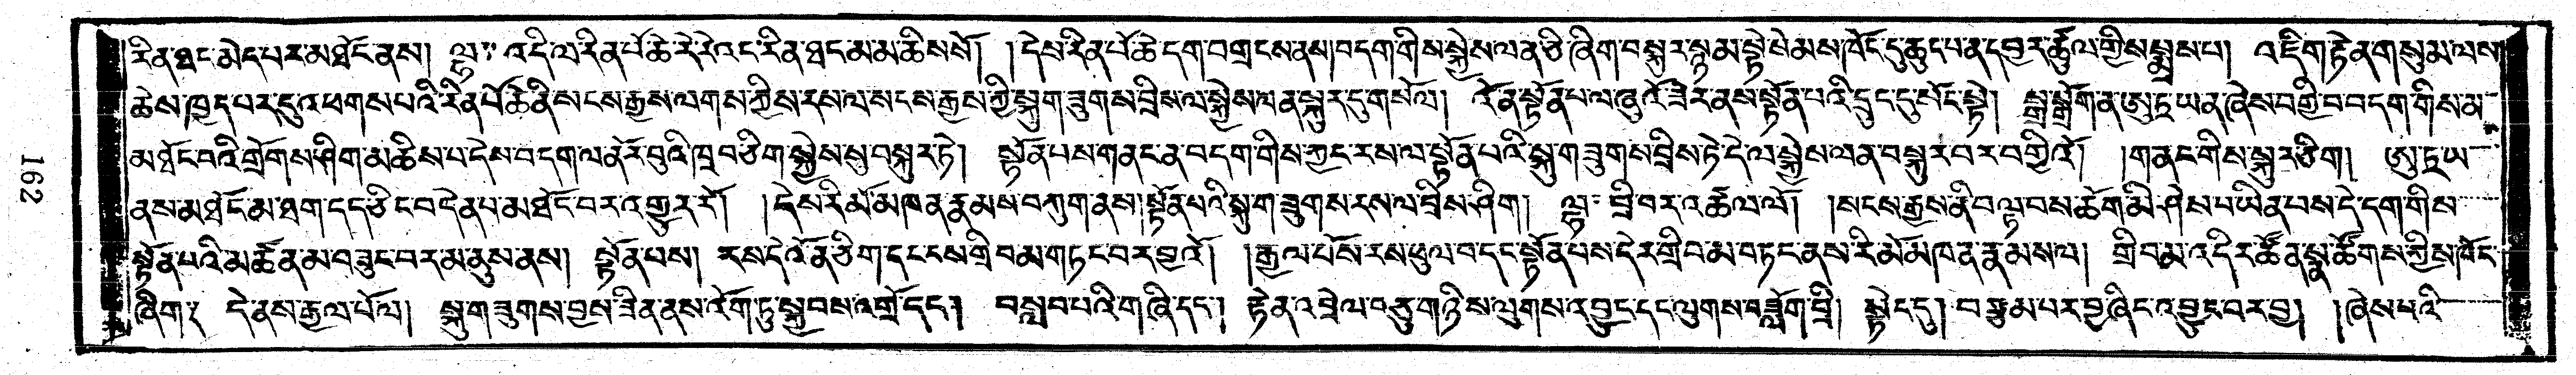རིན་ཐང་མེད་པར་མཐོང་ནས། ལྷ་འདི་ལ་རིན་པོ་ཆེ་རེ་རེའང་རིན་ཐང་མ་མ་ཆིས་སོ། །དེས་རིན་པོ་ཆེ་དག་བགྲངས་ནས། བདག་གིས་སྐྱེས་ལན་ཅི་ཞིག་བསྐུར་སྙམ་སྟེ་སེམས་ཁོང་དུ་ཆུད་པ་ན་དབྱར་ཚུལ་གྱིས་སྨྲས་པ། འཇིག་རྟེན་གསུམ་ལས་
ཆེས་ཁྱད་པར་དུ་འཕགས་པའི་རིན་པོ་ཆེ་ནི་སངས་རྒྱས་ལགས་ཀྱིས་རས་ལ་སངས་རྒྱས་ཀྱི་སྐུ་གཟུགས་བྲིས་ལ་སྐྱེས་ལན་སྐུར་དུ་གསོལ། འོ་ན་སྟོན་པ་ལ་ཞུའོ་ཟེར་ནས་སྟོན་པའི་དྲུང་དུ་སོང་སྟེ། སྒྲ་སྒྲོག་ན་ཨུ་ཏྲ་ཡན་ཞེས་བགྱི་བ་བདག་གིས་མ་
མཐོང་བའི་གྲོགས་ཤིག་མཆིས་པ་དེས་བདག་ལ་ནོར་བུའི་ཁྲབ་ཅིག་སྐྱེས་སུ་བསྐུར་ཏེ། སྟོན་པས་གནང་ན་བདག་གིས་ཀྱང་རས་ལ་སྟོན་པའི་སྐུ་གཟུགས་བྲིས་ཏེ་དེ་ལ་སྐྱེས་ལན་བསྐུར་བར་བགྱིའོ། །གནང་གིས་སྐུར་ཅིག། ཨུ་ཏྲ་ཡ་
ནས་མཐོང་མ་ཐག་དད་ཅིང་བདེན་པ་མཐོང་བར་འགྱུར་རོ། །དེས་རི་མོ་མཁན་རྣམས་བཀུག་ནས། སྟོན་པའི་སྐུ་གཟུགས་རས་ལ་བྲིས་ཤིག། ལྷ་བྲི་བར་འཚལ་ལོ། །སངས་རྒྱས་ནི་བལྟ་བས་ཆོག་མི་ཤེས་པ་ཡིན་པས་དེ་དག་གིས་
སྟོན་པའི་མཚན་མ་བཟུང་བར་མ་ནུས་ནས། སྟོན་པས། རས་དེ་འོ་ན་ཅིག་དང་ངས་གྲིབ་མ་གཏང་བར་བྱའོ། །རྒྱལ་པོས་རས་ཕུལ་བ་དང་སྟོན་པས་དེར་གྲིབ་མ་བཏང་ནས་རི་མོ་མཁན་རྣམས་ལ། གྲིབ་མ་འདིར་ཚོན་སྣ་ཚོགས་ཀྱིས་ཁོང་
ཞིག༑ དེ་ནས་རྒྱལ་པོ་ལ། སྐུ་གཟུགས་བྱས་ཟིན་ནས་འོག་ཏུ་སྐྱབས་འགྲོ་དང་། བསླབ་པའི་གཞི་དང་། རྟེན་འབྲེལ་བཅུ་གཉིས་ལུགས་འབྱུང་དང་ལུགས་བཟློག་བྲི། སྟེང་དུ། བརྩམ་པར་བྱ་ཞིང་འབྱུང་བར་བྱ། །ཞེས་པའི་